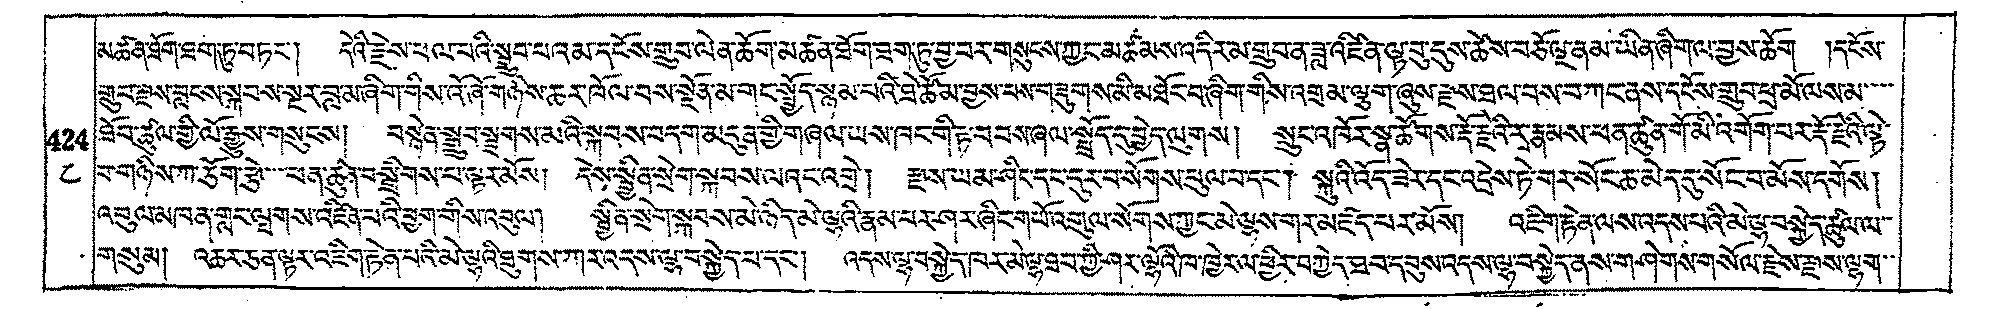མཚན་ཐོག་ཐག་ཏུ་བཏང་། དེའི་རྗེས་ཕལ་པའི་སྒྲུབ་པའམ་དངོས་གྲུབ་ལེན་ཆོག་མཚན་ཐོག་ཐག་ཏུ་བྱ་བར་གསུངས་ཀྱང་མཚམས་འདིར་མ་གྲུབ་ན་ཟླ་འཛིན་ལྟ་བུ་དུས་ཚེས་བཅོ་ལྔ་ནམ་ཡིན་ཞིག་ལ་བྱས་ཆོག །དངོས་
གྲུབ་རྫས་བླངས་སྐབས་སྔར་བླ་མ་ཞིག་གིས་འོ་ཞོ་གཉིས་ཆར་ཁོལ་བས་སྔོན་མ་གང་སྤྱོད་སྙམ་པའི་ཐེ་ཚོམ་བྱས་པས་གཟུགས་མི་མཐོང་བ་ཞིག་གིས་འགྲམ་ལྕག་ཞུས་རྫས་ཐལ་བས་བཀང་ནས་དངོས་གྲུབ་ཕྲ་མོ་ལས་མ་་་
ཐོབ་ཚུལ་གྱི་ལོ་རྒྱུས་གསུངས། བསྙེན་སྒྲུབ་སྦྲགས་མའི་སྐབས་བདག་མདུན་གྱི་གཞལ་ཡས་ཁང་གི་རྟ་བབས་ཞལ་སྤྲོད་དུ་བྱེད་ལུགས། སྲུང་འཁོར་སྣ་ཚོགས་རྡོ་རྗེའི་རཱ་རྣམས་ཕན་ཚུན་གོ་མི་འགོག་པར་རྡོ་རྗེའི་ལྟེ་
བ་གཉིས་ཀ་ཅོག་རྩེ་་་ཕན་ཚུན་བསྒྲིགས་པ་ལྟར་མོས། དེས་སྦྱིན་སྲེག་སྐབས་ལའང་འགྲེ། རྫས་ཡམ་ཤིང་དང་དུར་བ་སོགས་ཕུལ་བ་དང་། སྐུའི་འོད་ཟེར་དང་འདྲེས་ཏེ་གར་སོང་ཆ་མེད་དུ་སོང་བ་མོས་དགོས།
འབུལ་མཁན་གླང་ལྤགས་འཛིན་པའི་ཕྱག་གིས་འབུལ། སྦྱིན་སྲེག་སྐབས་མེ་ཉིད་མེ་ལྷའི་རྣམ་པར་ཤར་ཞིང་གཡོ་འགུལ་སོགས་ཀྱང་མེ་ལྷས་གར་མཛད་པར་མོས། འཇིག་རྟེན་ལས་འདས་པའི་མེ་ལྷ་བསྐྱེད་ཚུལ་ལ་་་
གསུམ། འཆར་ཅན་ལྟར་འཇིག་རྟེན་པའི་མེ་ལྷའི་ཐུགས་ཀར་འདས་ལྷ་བསྐྱེད་པ་དང་། འདས་ལྷ་བསྐྱེད་ཁར་མེ་ལྷ་ཐབ་ཀྱི་ཤར་ལྷོའི་ཁ་ཁྱེར་ལ་ཕྱིར་བཀྱེད་ཐབ་དབུས་འདས་ལྷ་བསྐྱེད་ནས་གཤེགས་གསོལ་རྗེས་རྫས་ལྷག་་་